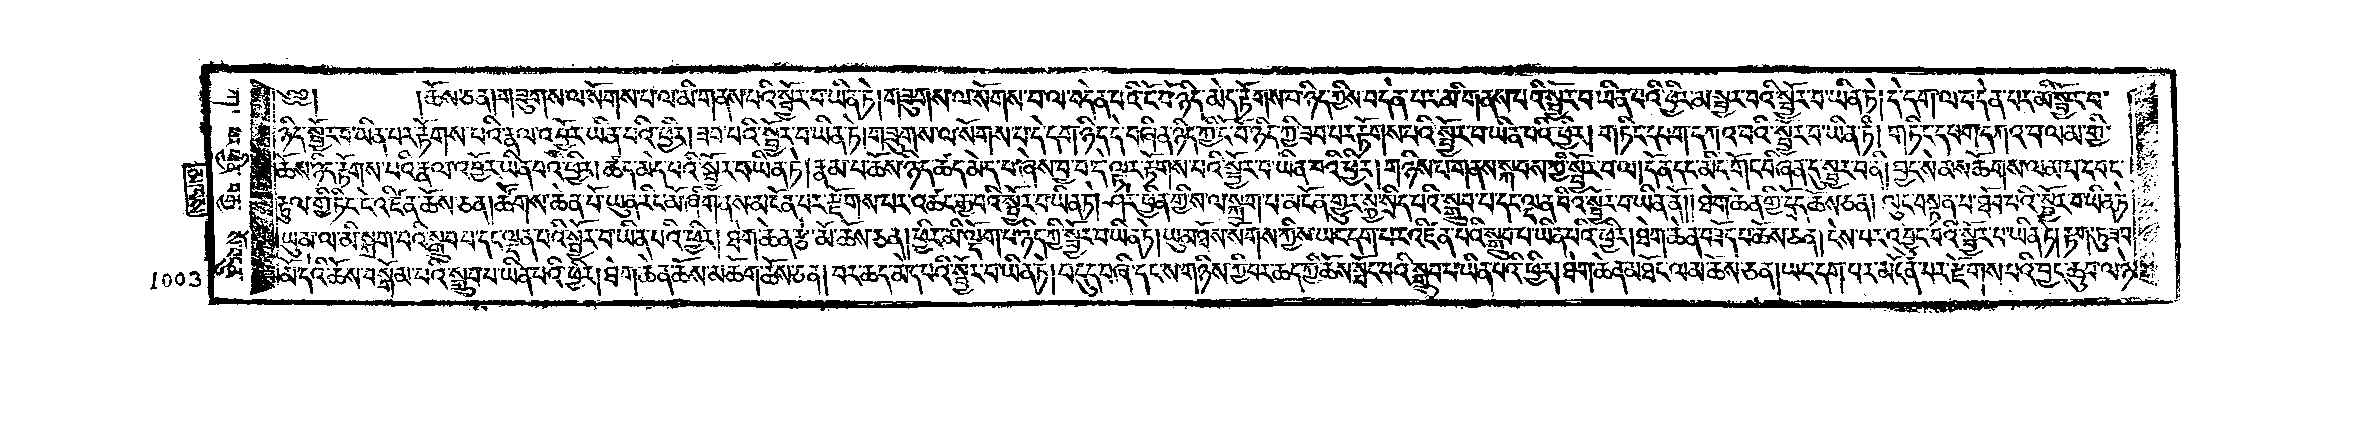༄༅། །ཆོས་ཅན། གཟུགས་ལ་སོགས་པ་ལ་མི་གནས་པའི་སྦྱོར་བ་ཡིན་ཏེ། གཟུགས་ལ་སོགས་པ་ལ་བདེན་པའི་ངོ་བོ་ཉིད་མེད་རྟོགས་པ་ཉིད་ཀྱིས་བདེན་པར་མི་གནས་པའི་སྦྱོར་བ་ཡིན་པའི་ཕྱིར་མ་སྦྱར་བའི་སྦྱོར་བ་ཡིན་ཏེ། དེ་དག་ལ་བདེན་པར་མི་སྦྱོར་བ་
ཉིད་སྦྱོར་བ་ཡིན་པར་རྟོགས་པའི་རྣལ་འབྱོར་ཡིན་པའི་ཕྱིར། ཟབ་པའི་སྦྱོར་བ་ཡིན་ཏེ། གཟུགས་ལ་སོགས་པ་དེ་དག་ཉིད་དེ་བཞིན་ཉིད་ཀྱི་ངོ་བོ་ཉིད་ཀྱི་ཟབ་པར་རྟོགས་པའི་སྦྱོར་བ་ཡིན་པའི་ཕྱིར། གཏིང་དཔག་དཀའ་བའི་སྦྱོར་བ་ཡིན་ཏེ། གཏིང་དཔག་དཀའ་བ་ལམ་གྱི་
ཆོས་ཉིད་རྟོགས་པའི་རྣལ་འབྱོར་ཡིན་པའི་ཕྱིར། ཚད་མེད་པའི་སྦྱོར་བ་ཡིན་ཏེ། རྣམ་པ་ཆོས་ཉིད་ཚད་མེད་པ་ཞེས་བྱ་བ་དེ་ལྟར་རྟོགས་པའི་སྦྱོར་བ་ཡིན་པའི་ཕྱིར། གཉིས་པ་གནས་སྐབས་ཀྱི་སྦྱོར་བ་ལ། དོན་དང་མིང་གོང་བཞིན་དུ་སྦྱར་བ་ནི། བྱང་སེམས་ཚོགས་ལམ་པ་དབང་
རྟུལ་གྱི་ཏིང་ངེ་འཛིན་ཆོས་ཅན། ཚོགས་ཆེན་པོ་ཡུན་རིང་མོ་ཞིག་ནས་མངོན་པར་རྫོགས་པར་འཚང་རྒྱ་བའི་སྦྱོར་བ་ཡིན་ཏེ། ཤེར་ཕྱིན་གྱི་ས་ལ་སྐྲག་པ་མངོན་གྱུར་སྐྱེ་སྲིད་པའི་སྒྲུབ་པ་དང་ལྡན་པའི་སྦྱོར་བ་ཡིན་ནོ། །ཐེག་ཆེན་གྱི་དྲོད་ཆོས་ཅན། ལུང་བསྟན་པ་ཐོབ་པའི་སྦྱོར་བ་ཡིན་ཏེ་
ཡུམ་ལ་མི་སྐྲག་པའི་སྒྲུབ་པ་དང་ལྡན་པའི་སྦྱོར་བ་ཡིན་པའི་ཕྱིར། ཐེག་ཆེན་རྩེ་མོ་ཆོས་ཅན། ཕྱིར་མི་ལྡོག་པ་ཉིད་ཀྱི་སྦྱོར་བ་ཡིན་ཏེ། ཡུམ་ཐོས་སོགས་ཀྱིས་ཡང་དག་པར་འཛིན་པའི་སྒྲུབ་པ་ཡིན་པའི་ཕྱིར། ཐེག་ཆེན་བཟོད་པ་ཆོས་ཅན། ངེས་པར་འབྱུང་བའི་སྦྱོར་བ་ཡིན་ཏེ། རྟག་ཏུ་ཟབ་
མོ་དེའི་ཆོས་བསྒོམ་པའི་སྒྲུབ་པ་ཡིན་པའི་ཕྱིར། ཐེག་ཆེན་ཆོས་མཆོག་ཆོས་ཅན། བར་ཆད་མེད་པའི་སྦྱོར་བ་ཡིན་ཏེ། བདུད་བཞི་དང་ས་གཉིས་ཀྱི་བར་ཆད་ཀྱི་ཆོས་སྤོང་བའི་སྒྲུབ་པ་ཡིན་པའི་ཕྱིར། ཐེག་ཆེན་མཐོང་ལམ་ཆོས་ཅན། ཡང་དག་པར་མངོན་པར་རྫོགས་པའི་བྱང་ཆུབ་ལ་ཉེ་